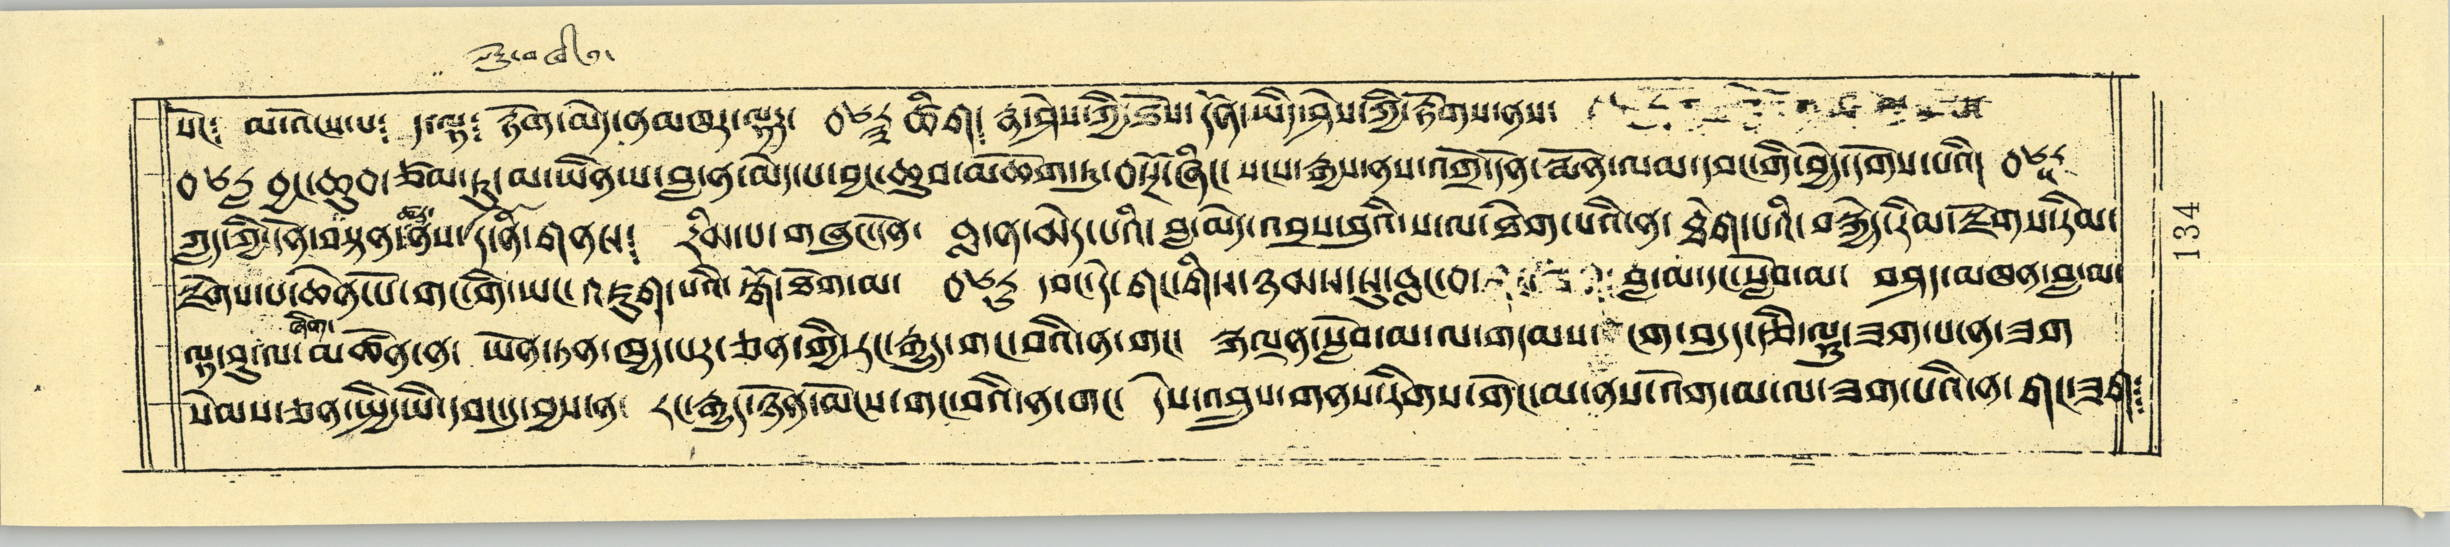སོགས། མ་འོངས་པ། ད་ལྟ་རྟོག་མེད་ནམ་མཁའ་ལྟར། བ༦༨།༣༼ཚིག༽རྣ་ཤེས་ཀྱི་ཐོས་༼དོན༽ཡིད་ཀྱིས་རྟོགས་ནས་
བ༦༨།༤༼བྱང་ཆུབ༽ཙམ་དུ་མ་ཡིན་པ་བླ་ན་མེད་པ་བྱང་ཆུབ་མཆོག་ཏུ་༼བསྔོ་ཞིང༽སངས་རྒྱས་ནས་འགྲོ་དོན་སྨོན་ལམ་དབང་གིས་བྱེད་དགོས་པའི་བ༦༨།༥ 
ཀླད་ཀྱི་དོན་བསྟན་ཚར་ནས་༼ད་ནི་གནས༽༼རིམ་པ༽གཞུང་དོན་༼བླ་ན་མེད་པའི༽བླ་མེད་འབྲས་བུའི་ས་ལ་ཐེག་པས་ན་༼ཐེག་པའི༽བསྐྱེད་རིམ་རྫོགས་རིམ་
རྫོགས་པ་ཆེན་པོ་གང་གི་ཡང་༼འཇུག༽པའི་༼སྒོ༽ཐོག་མ་བ༦༨།༦ དབང་དེ་༼གང་གིས་ཉམས་སུ་བླང་བ༽བླ་མ་དང་སློབ་མ། བཤད་མཁན་བླ་མ་
ལྟ་བུ་ལ་མཚོིན་ན། ཡོན་ཏན་ཁྱད་པར་ཅན་གྱི་རང་རྒྱུད་གང་བས་ན་གང་། སྐལ་ལྡན་སློབ་མ་གདམས་ངག་བདུད་རྩི་ལྟ་བུ་ཟག་པ་ན་ཟག་
སེམས་ཅན་སྤྱི་ཡི་དབང་དུ་བྱས་ན། རང་རྒྱུད་ཉོན་མོངས་གང་བས་ན་གང་། དེས་འབྲས་བུ་གནས་རིགས་གོང་མ་ནས་གོང་མ་ནས་འོག་མ་ལ་ཟག་པའི་ན་༼གང་ཟག༽